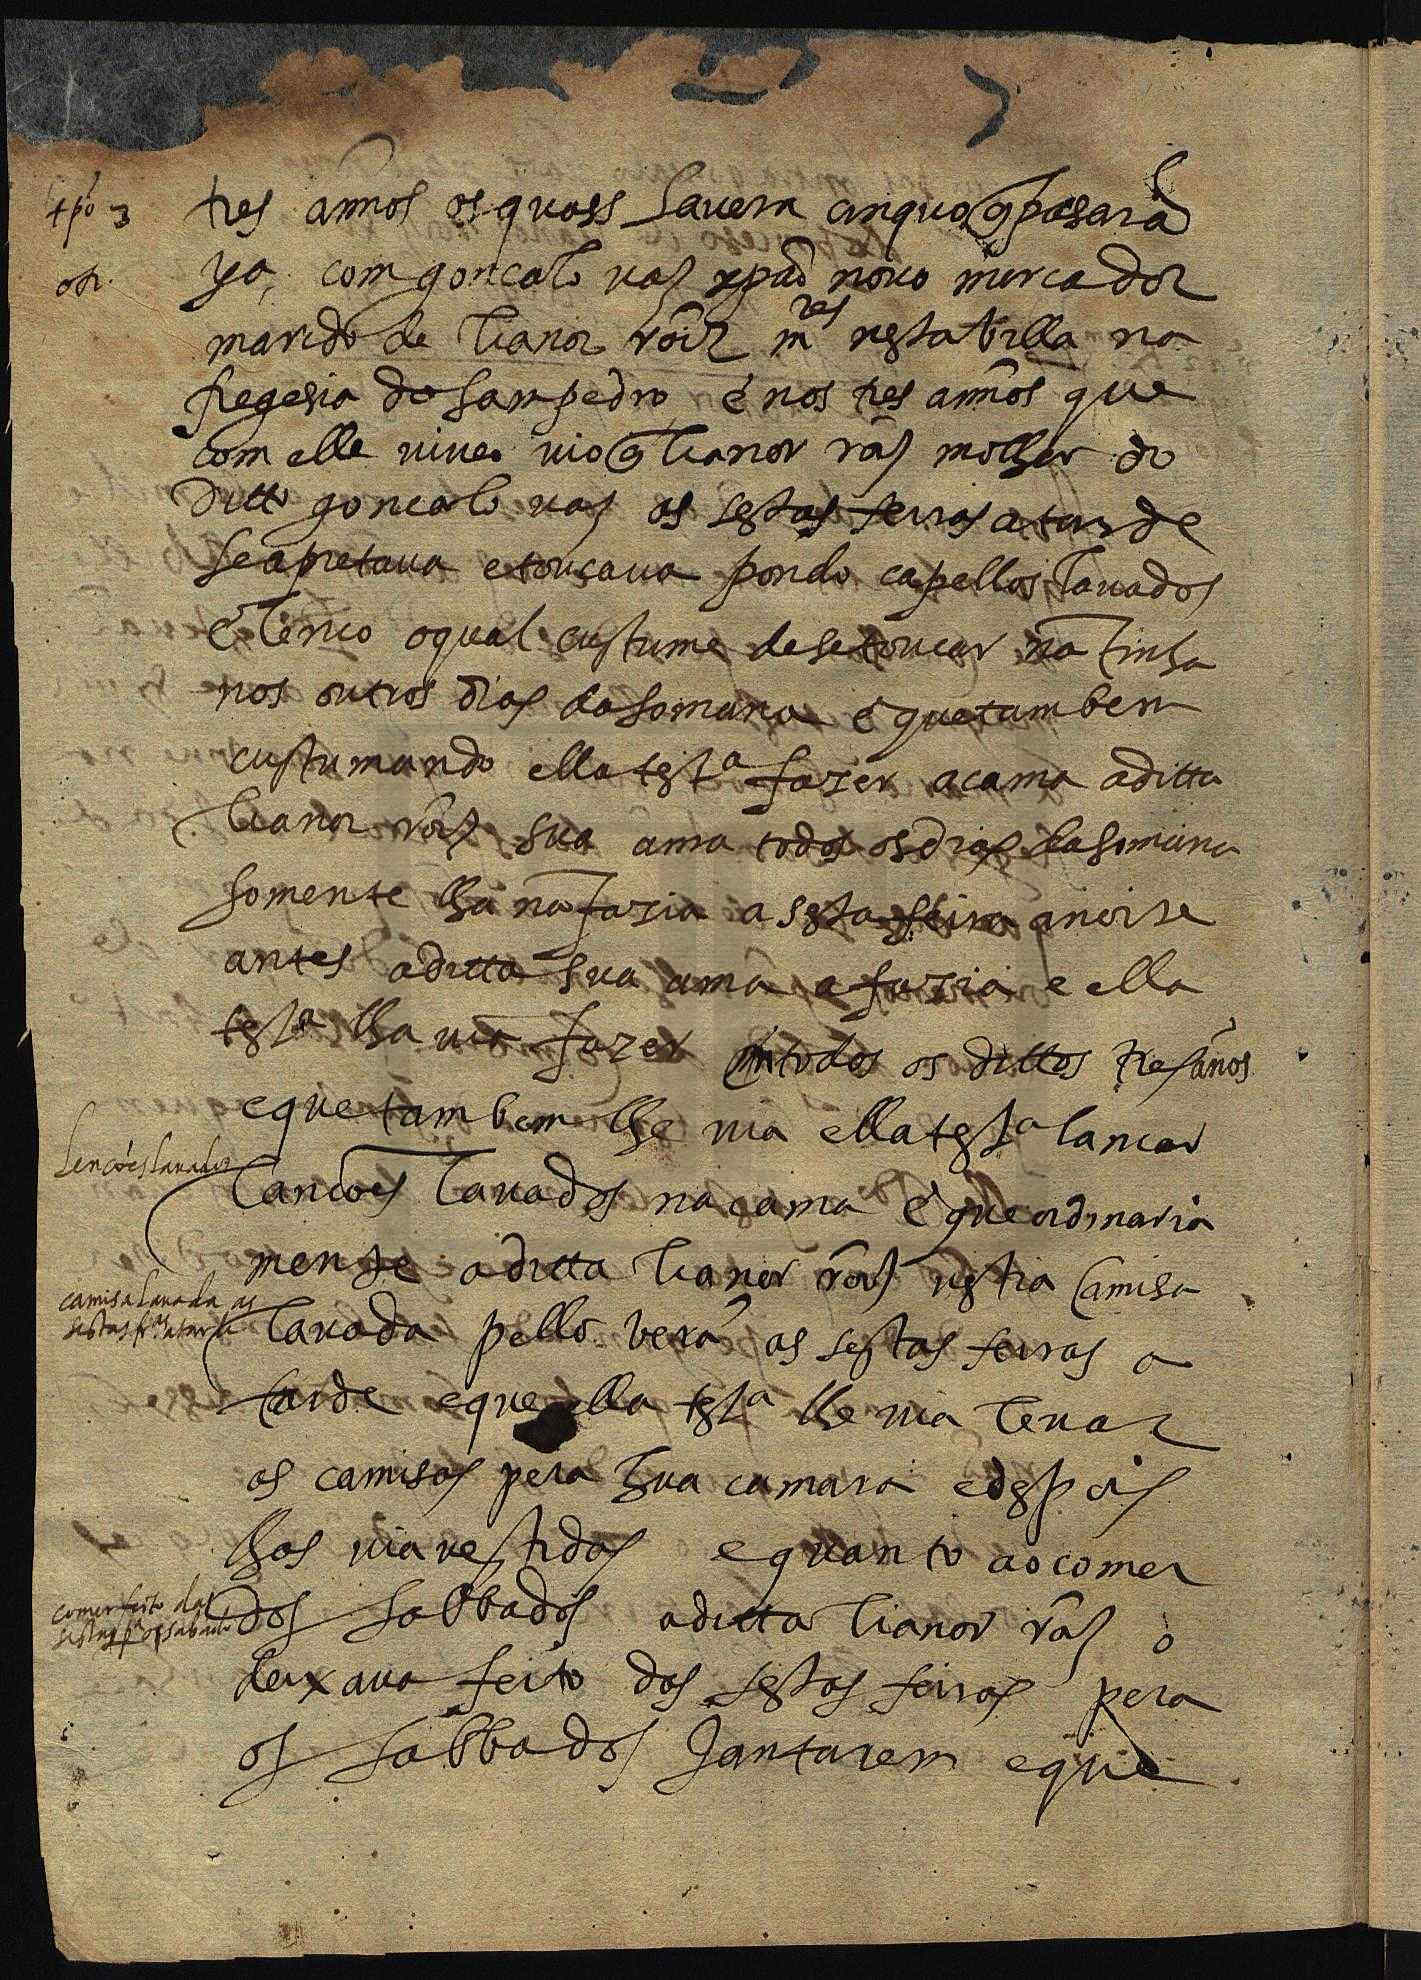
tpō 3
o R
tres annos os quaes hauera cinquo q̄ pasaraõ
ya com gonçalo uaz xpão nouo mercador
marido de lianor roīz mres nesta villa na
fregesia do sam pedro, e nos tres ann̄os que
com elle uiue uio q̄ lianor roīz molher do
ditto gonçalo uaz as sestas feiras a tarde
se apretaua e toucaua pondo capellos lauados
e lenço o qual custume de se toucar nā tinha
nos outros dias da somana e que tambem
custumando ella testa fazer a cama a ditta
lianor roīz sua ama todos os dias da somana
somente lha não fazia a sesta feira a noite
antes a ditta sua ama a fazia e ella
testa lha uia fazer em todos os dittos tres an̄os
e que tambem lhe uia ella testa lançar
lencçes lauados
lançoes lauados na cama, e que ordinaria
mente a ditta lianor roiz̄ uestia Camisa
lauada pello verā as sestas feiras a
camisa lauada as
sestas fr.as a tarde
tarde e que ella testa lhe uia leuar
as camisas pera hua camara e despois
lhas uia uestidas e quanto ao comer
dos sabbados a ditta lianor rōiz o
comer feito das
sestas ꝑa os sabado
deixaua feito das sestas feiras pera
os sabbados Jantarem e que
